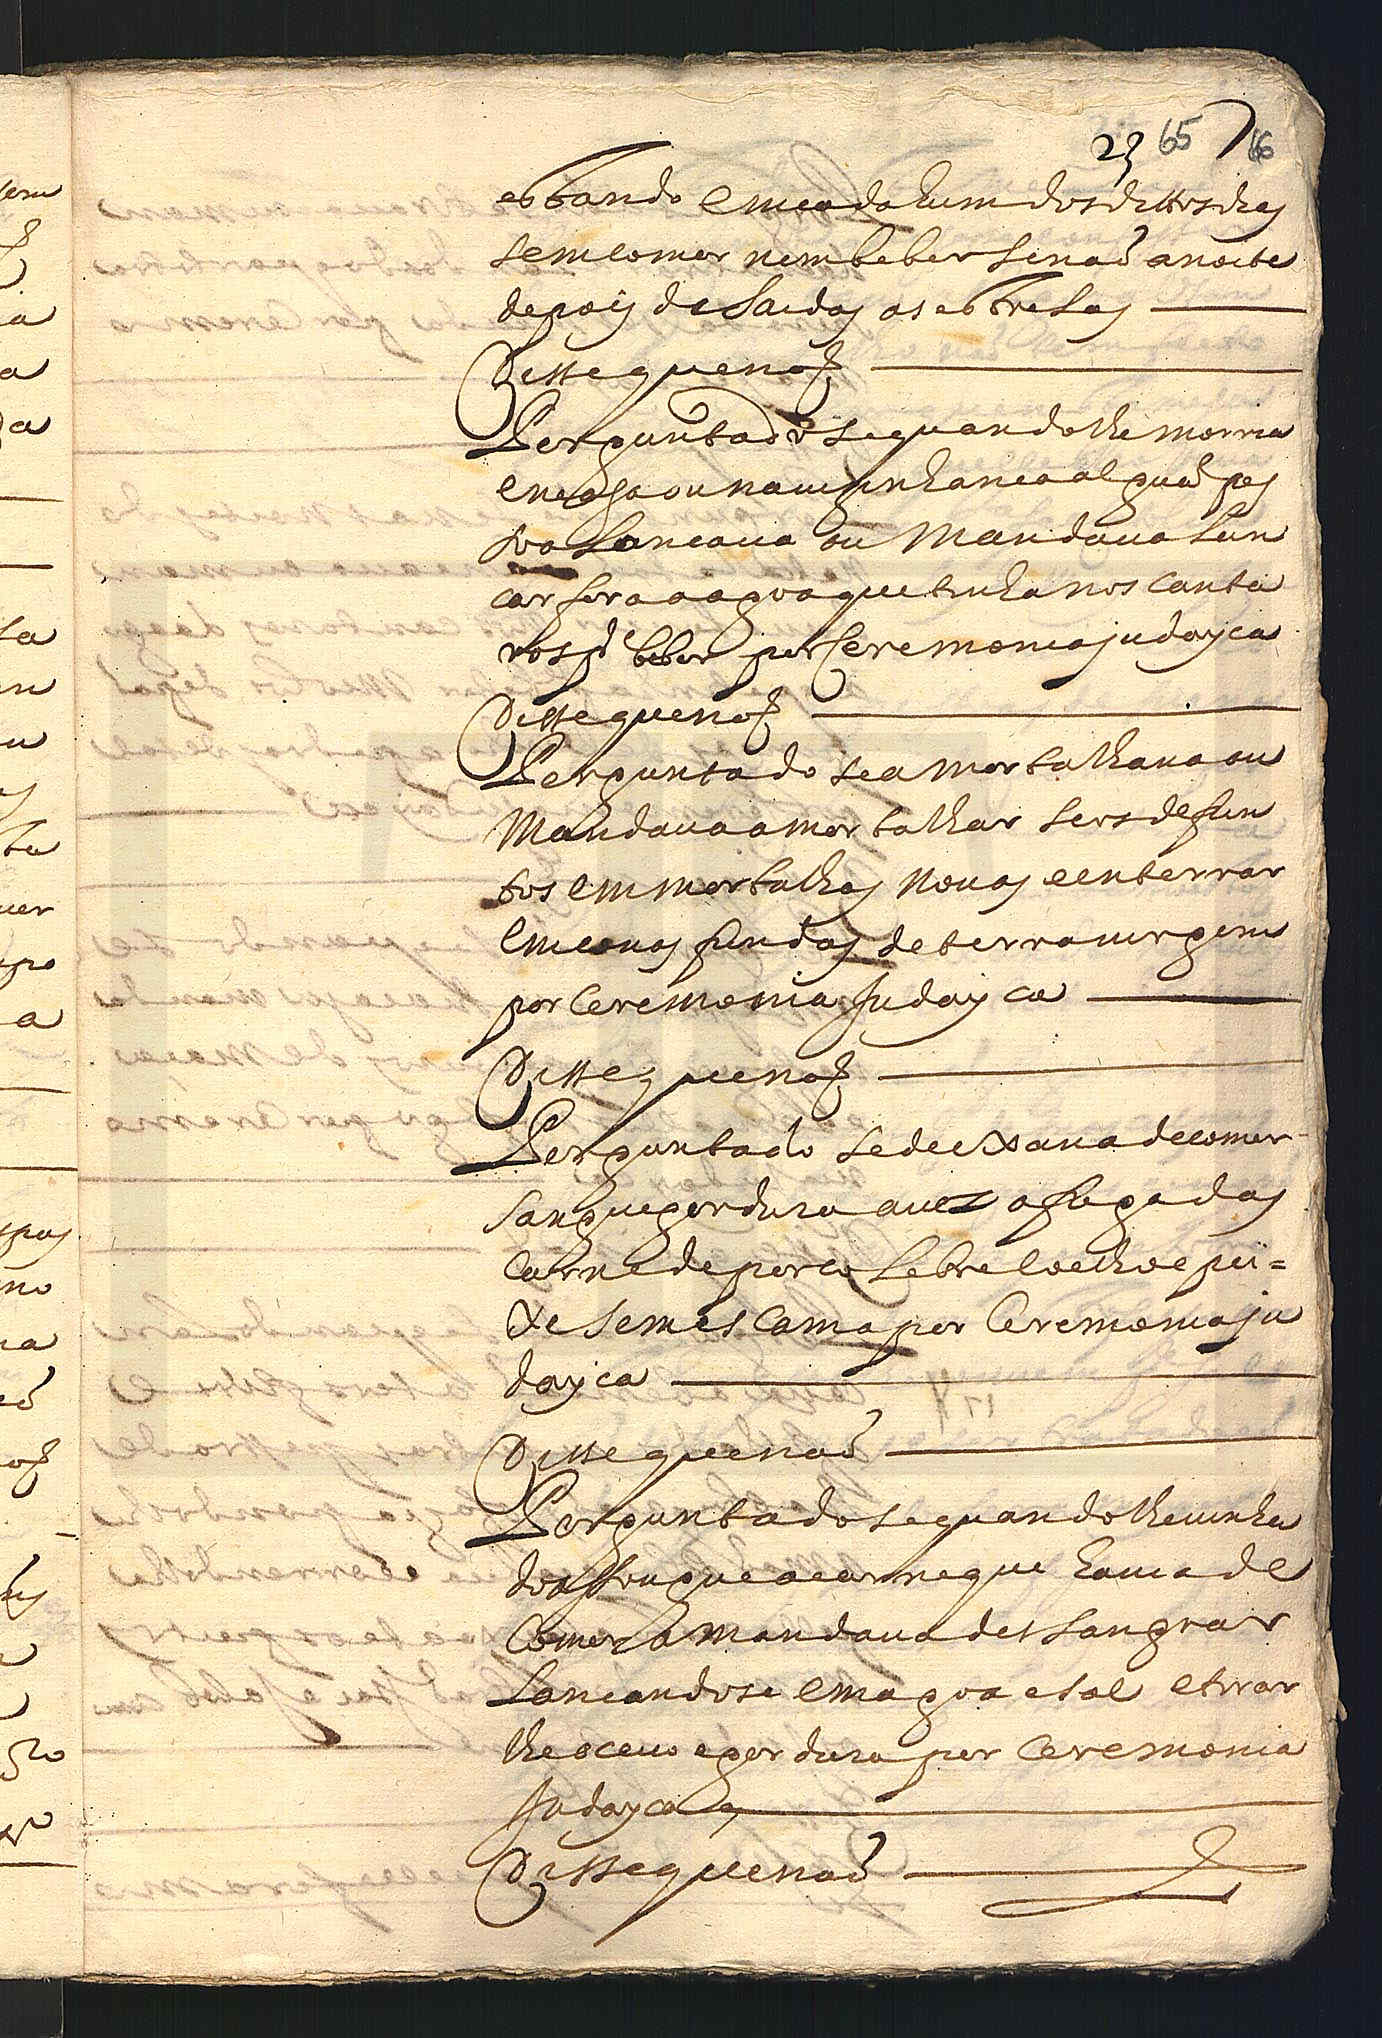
estando em cada hum dos dittos dias
sem comer nem beber senaõ a noite
depois de Saidas as estrelas
Disse que naõ
Perguntado se quando lhe morria
en casa ou na uizinhanca alguā pes
soa Lancaua ou mandaua lan
car fora a agoa que tinha nos canta
ros pa beber por Ceremonia judayca
Disse que naõ
Perguntado se amortalhaua ou
Mandaua amortalhar seos defun
tos em mortalhas nouas e enterrar
em couas fundas de terra uirgem
por ceremonia Judayca
Disse que naõ
Perguntado se deixaua de comer
sangue gordura auez afogadas
carne de porco Lebre coelho pei
xe sem escama por Ceremonia ju
dayca
Disse que naõ
Perguntado se quando lhe uinha
do assougue a carne que hauia de
comer a mandaua dessangrar
Lancandose em agoa e sal e tirar
lhe o ceuo e gordura per ceremonia
Judayca
Disse que naõ
